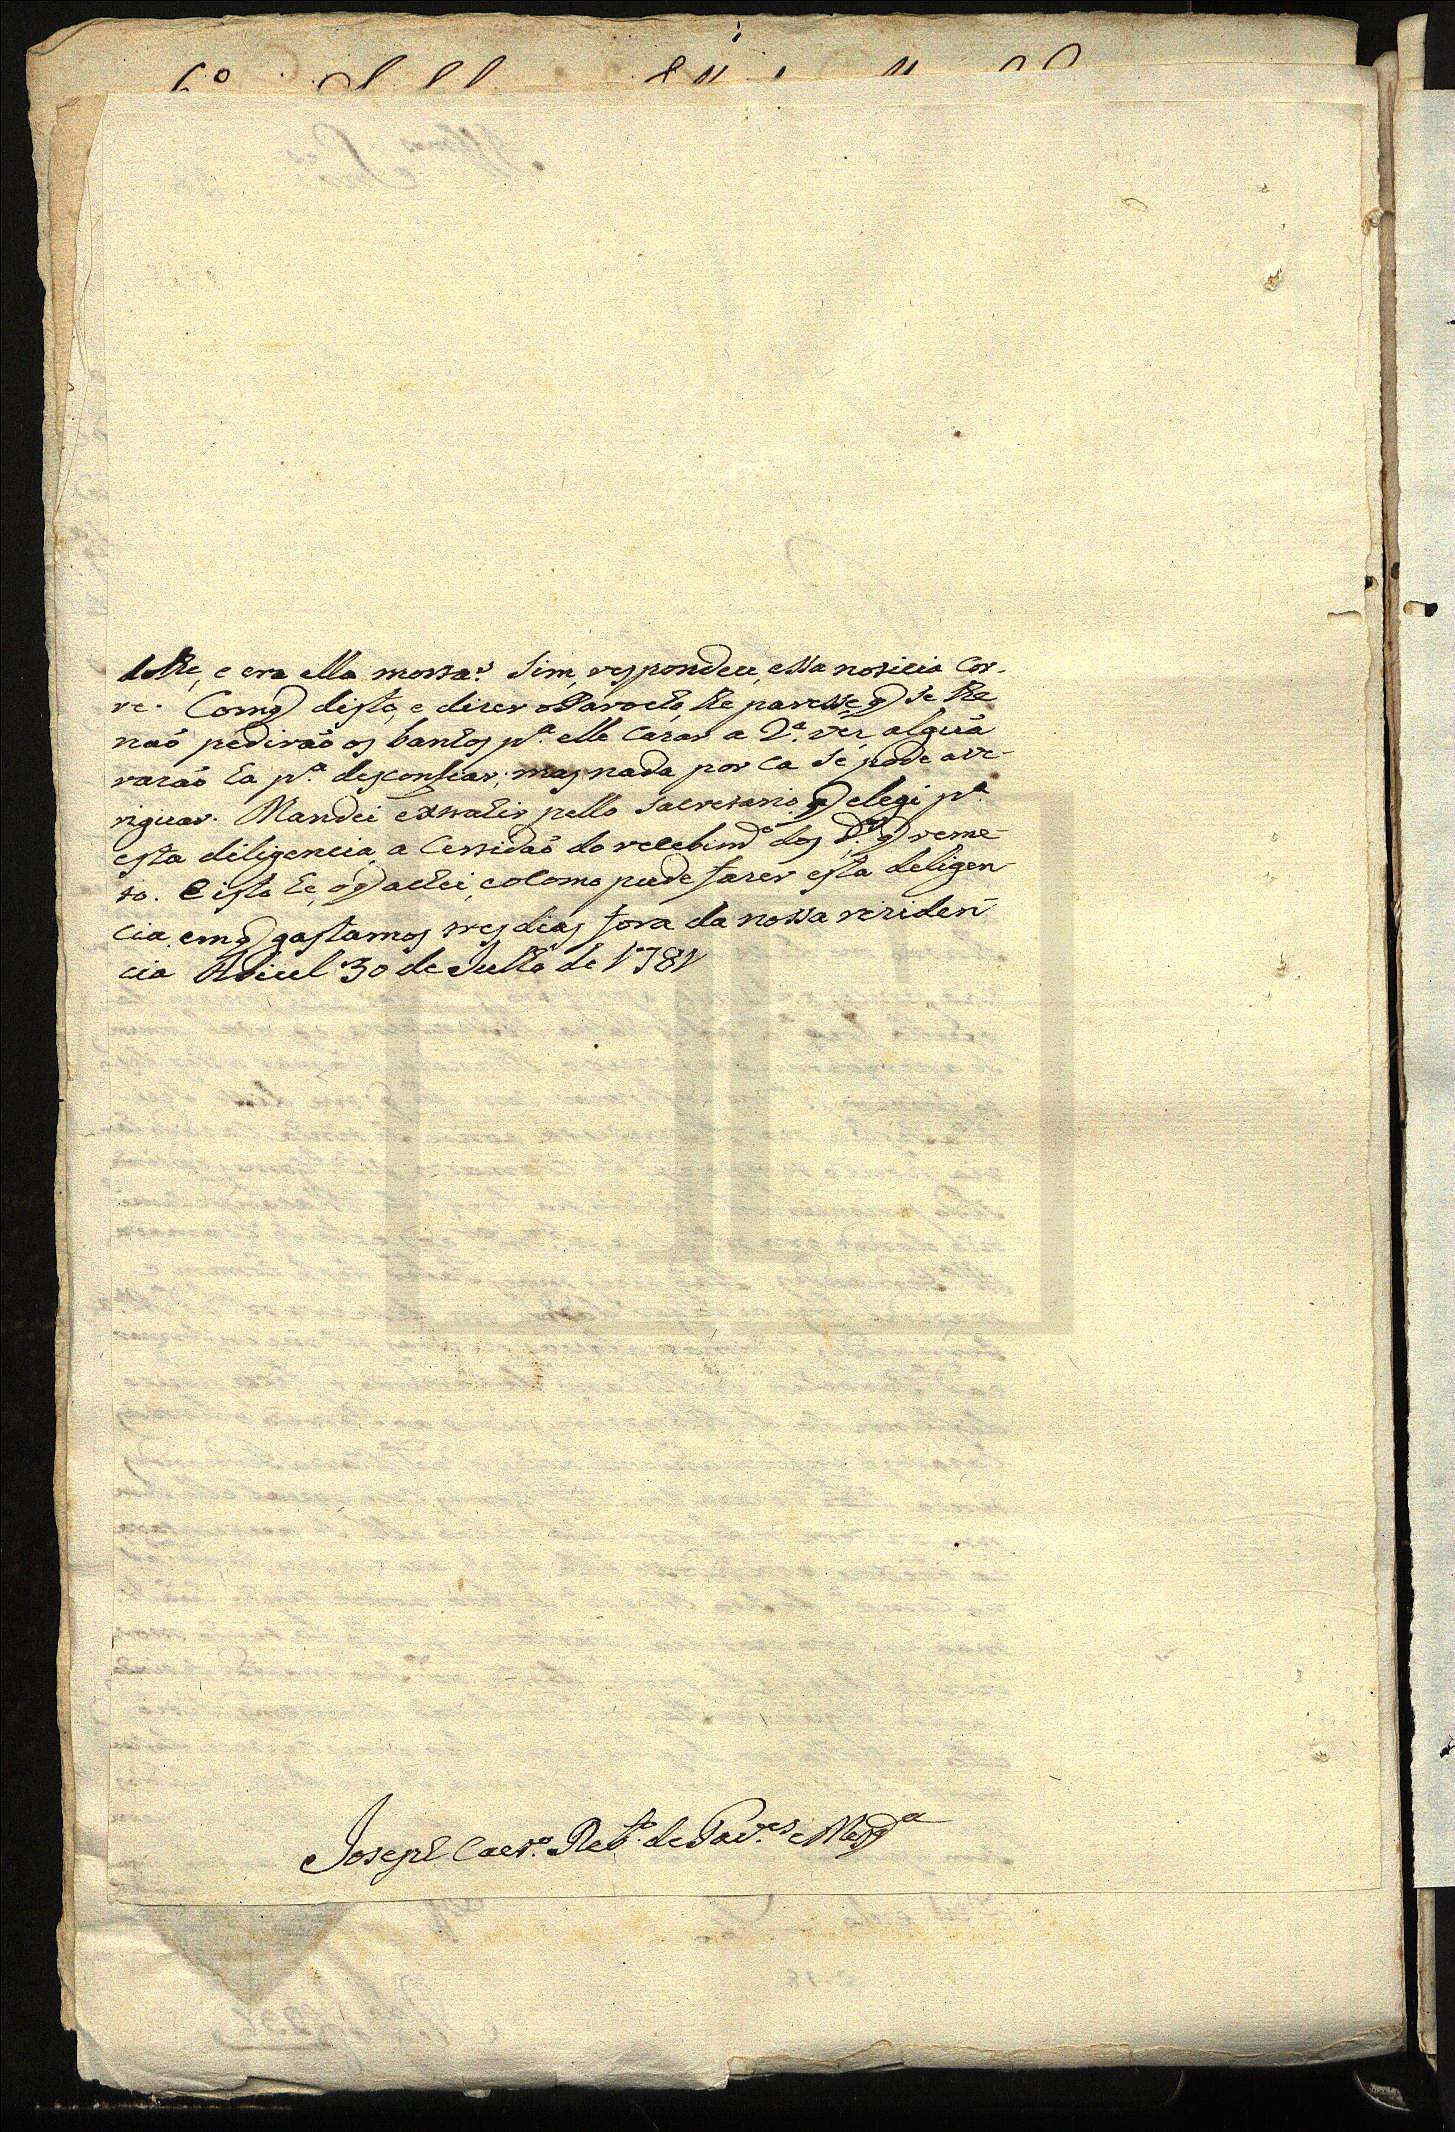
dolhe, e era ella morta: sim, respondeu, essa noticia cor
re. Com q̄ disto, e dizer o Parocho lhe paresse q̄ se lhe
naõ pediraõ os banhos p.a elle cazar a 2.a vez, alguā
razaõ há p.a desconfiar; mas nada por ca se pode ave
riguar. Mandei extrahir pello Sacretario q̄ elegi p.a
esta diligencia a certidaõ do recebim.to dos D.os q̄ reme
to. E isto he, o q̄ achei e o como pude fazer esta deligen
cia em q̄ gastamos tres dias fora da nossa reziden
cia Abiul 30 de Iulho de 1781
Ioseph Caet.o Reb.o de Tav.es e Mesq.a
